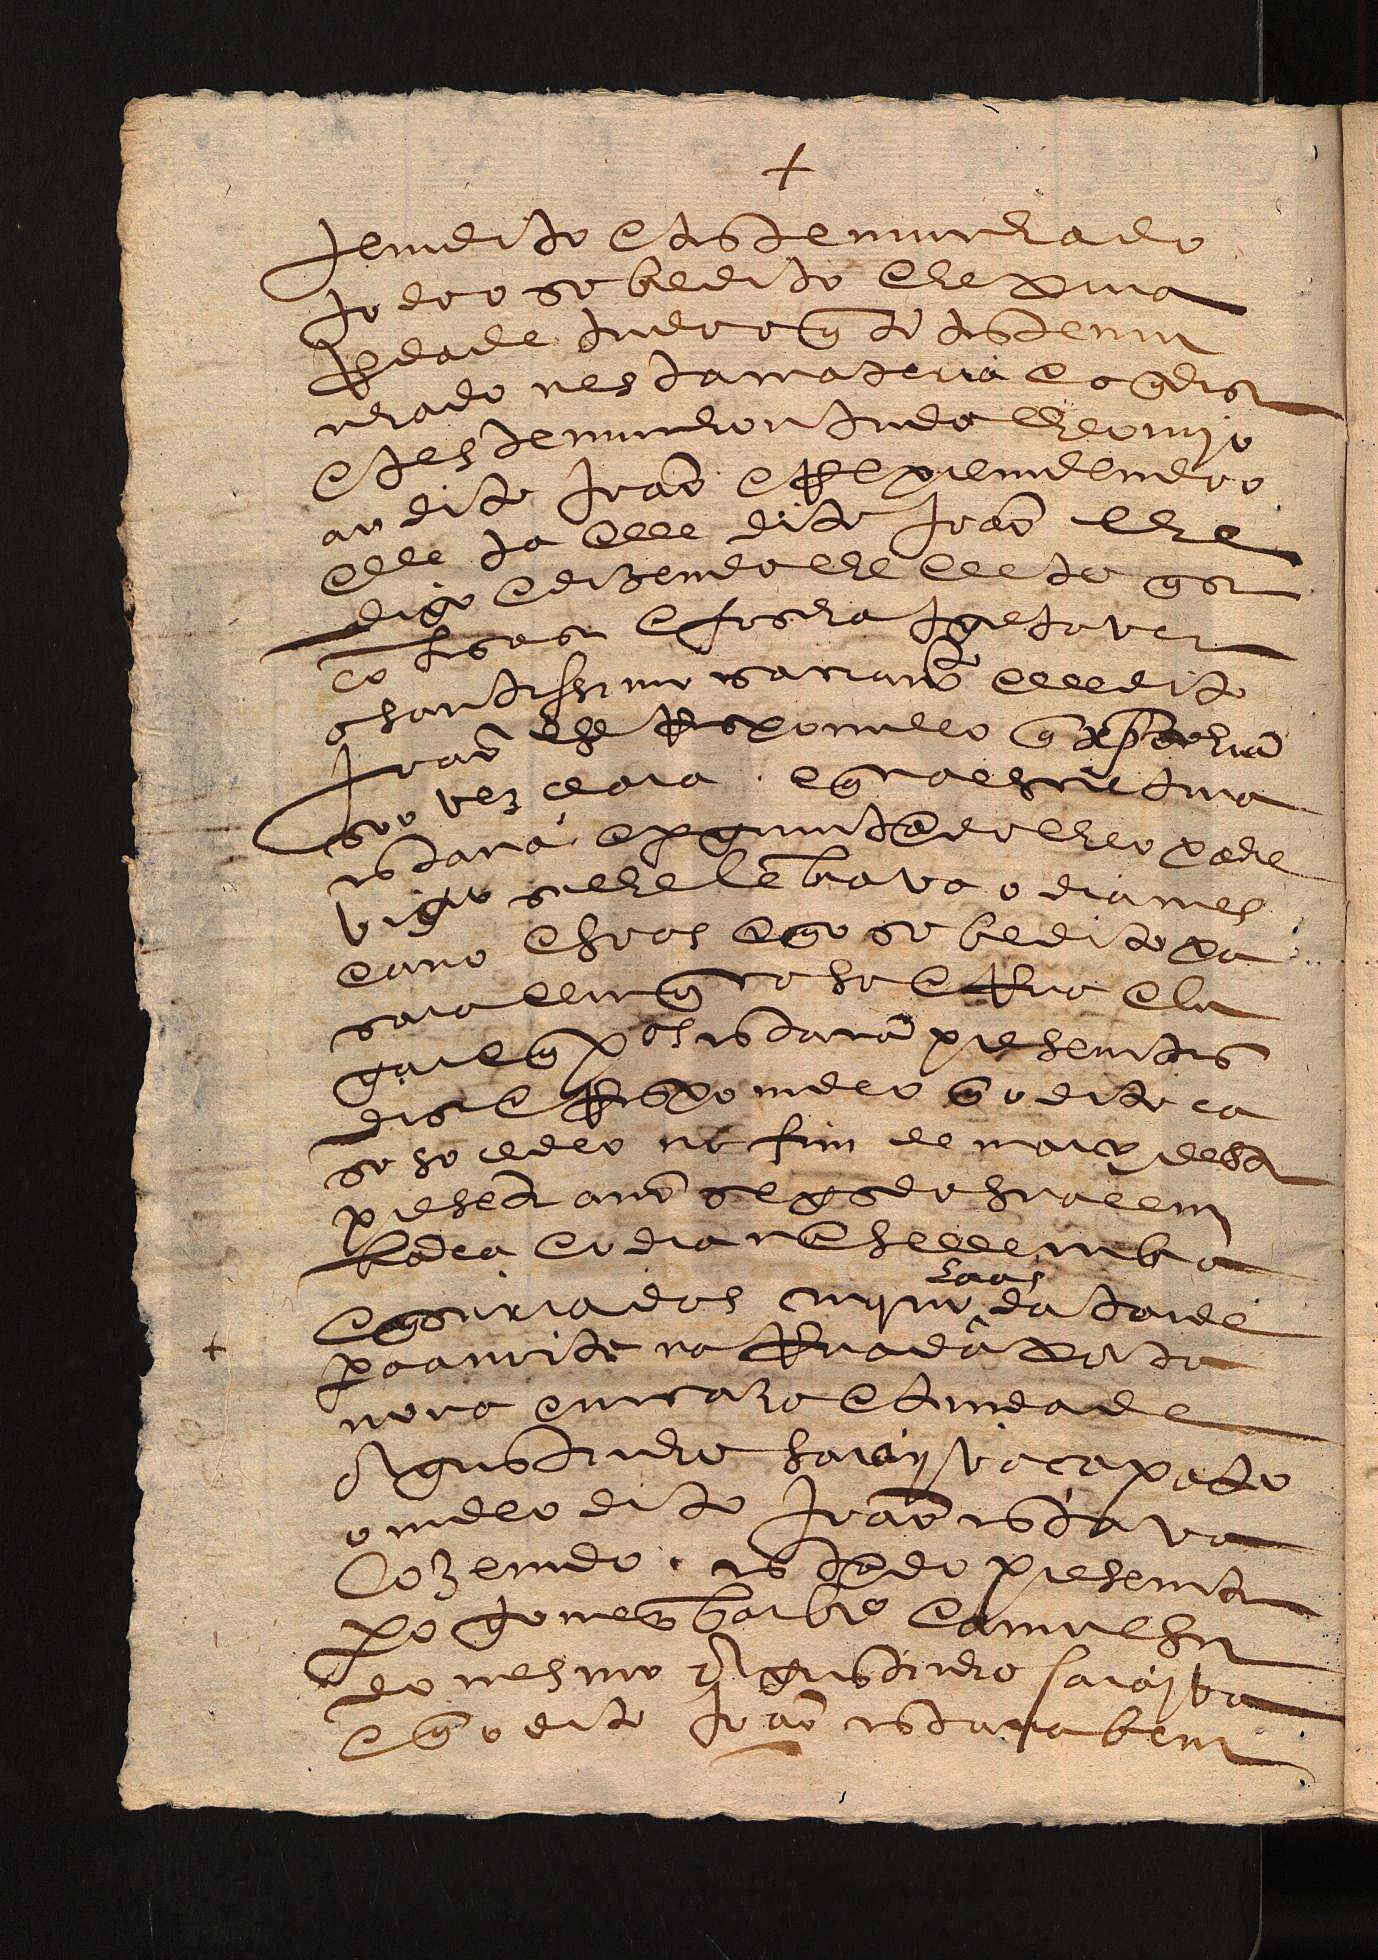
tem dito e testemunhado
todo o sobredito e he pura
ꝟdade tudo o q̄ tē testemu
nhado nesta materia e o q̄ dise
e testemunhou tudo lhe ouujo
ao dito Joaõ e Repremdendoo
elle ta elle dito Joaõ lhe
digo e dizemdolhe ele ta q̄ se
cōfesase e fose ha IgreIa ver
o santissimo sacramto elle dito
Joaõ lhe Respomdeo q̄ xp̄o huā
soo vez ceara. e q nao estava
estaua e ꝑgumtādolhe o padre
vigro se lhe lēbrava o dia mes
e ano e soas ē q̄ o sobredito pa
sara e em q̄ casa e Rua e lu
gar e q̄ pas estauā presemtes
dise e Respomdeo q̄ o dito ca
so socedeo no fim de março deste
presēte anō segdo sua lem
brāça e o dia nā se llembra
horas
e q̄ seria das cinquo da tarde
ꝑa a noite na Rua da porta
noua e em caza e temda de
Agustinho sarayva çapato
omde o dito João estava
Cozemdo estādo presemte
po gomez barbro e a mulher
do mesmo Agustinho sarajua
e q̄ o dito João estaua bem
